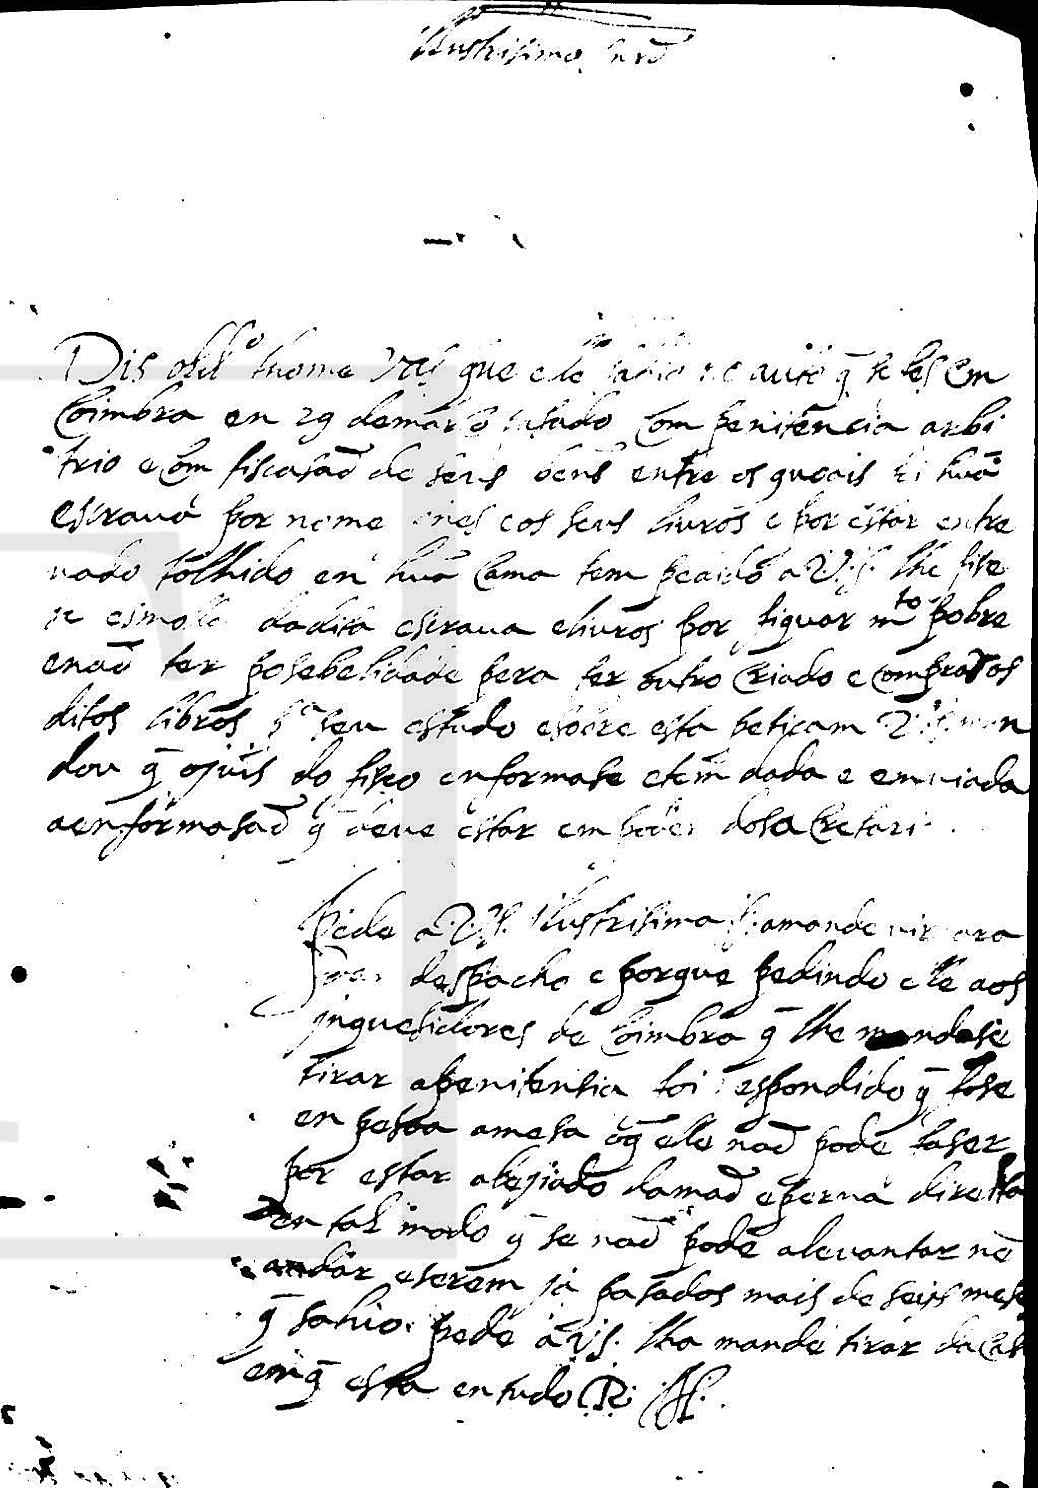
Ilustrisimo
Dis o l.do thome vas que ele sahio no auto q̄ se fes em
Coimbra en 29 de marso pasado com penitencia arbi
trio e Comfiscasaõ de seus bens entre os quoais __ huā
escrava por nome ines e os seus livros e por estar entre
vado tolhido en huã cama tem pedido a V.S. lhe fise
se esmolla da dita escrava e livros por fiquar mto pobre
e não ter posebelidade pera ter outro criado e comprar os
ditos libros p.a seu estudo e sobre esta petiçam V.S. man
dou que o juis do fisco enformase e tem dada e emviada
a enformasão que deve estar em poder do sacretario.
Pede a V.S. Ilustrisima _ a mande vir para
dar despacho e porque pedindo elle aos
jnquesidores de Coimbra q̄ lhe mandase
tirar a penitensia foi respondido que fose
en pessoa a mesa o que elle naõ pode faser
por estar aleijado da mão e perna direitta
en tal modo q̄ se não pode alevantar nẽ
andar e serem já pasados mais de seis meses
q̄ sahio, pede a V.S. lha mande tirar da Casa
em q̄ esta en tudo R.M.
